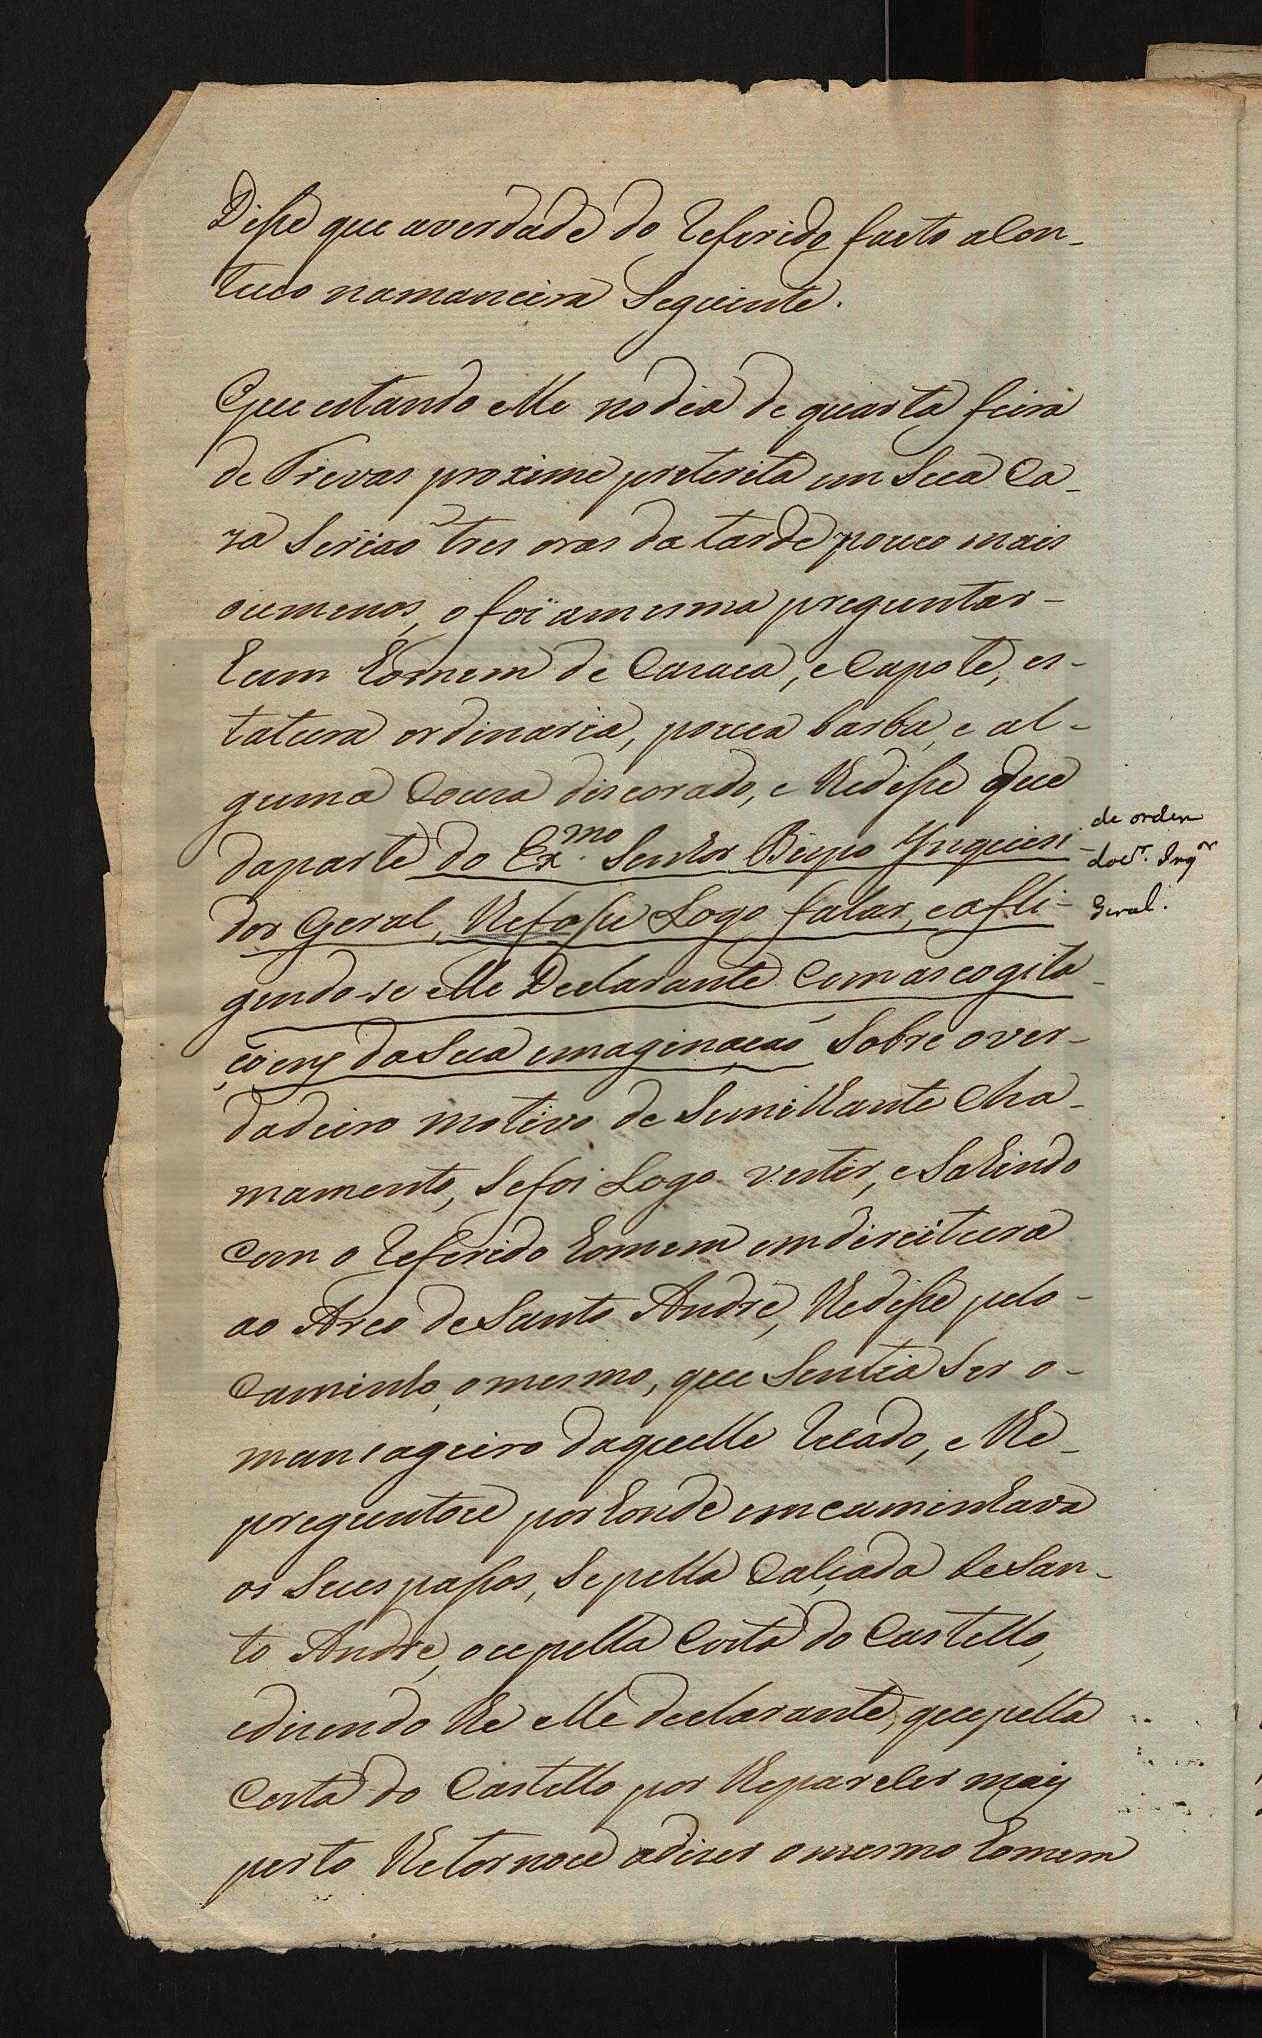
Disse que a verdade do Referido facto acon
teceo na maneira seguinte.
Que estando elle no dia de quarta feira
de Trevas proxima preterita em Sua ca
za Seriaõ tres oras da tarde pouco mais
ou menos, o foi a mesma preguntar
hum homem de cazaca, e capote, es
tatura ordinaria, pouca barba, e al
guma couza discorado, e lhe disse que
da parte do Ex.mo Senhor Bispo Jnquisi
dor Geral, lhe fosse Logo falar, e afli
gendo-se elle Declarante com as cogita
çoens da Sua emaginaçaõ Sobre o ver
dadeiro motivo de Semilhante cha
mamento, Se foi Logo vestir, e Sahindo
com o Referido homem em direitura
ao Arco de Santo Andre, lhe disse pelo
caminho, o mesmo que Sentia ser o
mansageiro daquelle Recado, e lhe
preguntou por honde emcaminhava
os Seus passos, Se pella calçada de San
to Andre, ou pella costa do Castello,
e disendo lhe elle declarante, que pella
costa do castello por lhe parecer mais
perto lhe tornou a dizer o mesmo homem
de ordem
do s.r Inq.or
Geral.
